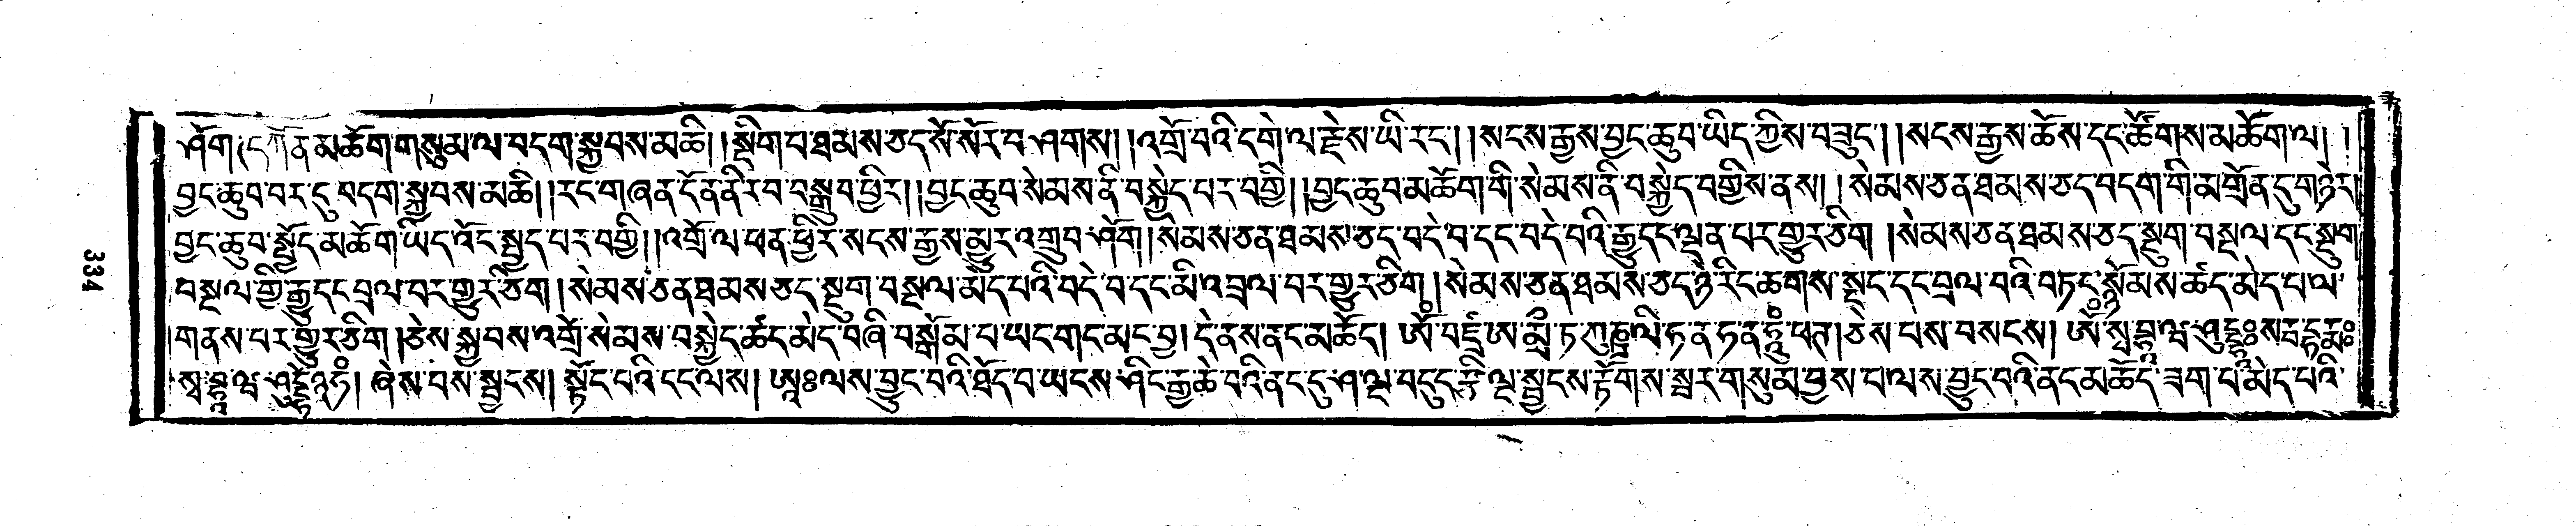ཤོག །དཀོན་མཆོག་གསུམ་ལ་བདག་སྐྱབས་མཆི། །སྡིག་པ་ཐམས་ཅད་སོ་སོར་བཤགས། །འགྲོ་བའི་དགེ་ལ་རྗེས་ཡི་རང་། །སངས་རྒྱས་བྱང་ཆུབ་ཡིད་ཀྱིས་བཟུང་། །སངས་རྒྱས་ཆོས་དང་ཚོགས་མཆོག་ལ། །
བྱང་ཆུབ་བར་དུ་བདག་སྐྱབས་མཆི། །རང་གཞན་དོན་ནི་རབ་བསྒྲུབ་ཕྱིར། །བྱང་ཆུབ་སེམས་ནི་བསྐྱེད་པར་བགྱི། །བྱང་ཆུབ་མཆོག་གི་སེམས་ནི་བསྐྱེད་བགྱིས་ནས། །སེམས་ཅན་ཐམས་ཅད་བདག་གི་མགྲོན་དུ་གཉེར། །
བྱང་ཆུབ་སྤྱོད་མཆོག་ཡིད་འོང་སྤྱད་པར་བགྱི། །འགྲོ་ལ་ཕན་ཕྱིར་སངས་རྒྱས་མྱུར་འགྲུབ་ཤོག །སེམས་ཅན་ཐམས་ཅད་བདེ་བ་དང་བདེ་བའི་རྒྱུ་དང་ལྡན་པར་གྱུར་ཅིག །སེམས་ཅན་ཐམས་ཅད་སྡུག་བསྔལ་དང་སྡུག་
བསྔལ་གྱི་རྒྱུ་དང་བྲལ་བར་གྱུར་ཅིག །སེམས་ཅན་ཐམས་ཅད་སྡུག་བསྔལ་མེད་པའི་བདེ་བ་དང་མི་འབྲལ་བར་གྱུར་ཅིག །སེམས་ཅན་ཐམས་ཅད་ཉེ་རིང་ཆགས་སྡང་དང་བྲལ་བའི་བཏང་སྙོམས་ཚད་མེད་པ་ལ་
གནས་པར་གྱུར་ཅིག །ཅེས་སྐྱབས་འགྲོ་སེམས་བསྐྱེད་ཚད་མེད་བཞི་བསྒོམ་པ་ཡང་གང་མང་བྱ། དེ་ནས་ནང་མཆོད། ཨོཾ་བཛྲ་ཨ་མྲྀ་ཏ་ཀུཎྜ་ལི་ཧ་ན་ཧ་ན་ཧཱུཾ་ཕཊ། ཅེས་པས་བསངས། ཨོཾ་སྭ་བྷཱ་ཝ་ཤུདྡྷཱཿ སརྦ་དྷརྨཿ
སྭ་བྷཱ་ཝ་ཤུདྡྷོ་ཉཧཾ། ཞེས་པས་སྦྱངས། སྟོང་པའི་ངང་ལས། ཨཱཿ ལས་བྱུང་བའི་ཐོད་པ་ཡངས་ཤིང་རྒྱ་ཆེ་བའི་ནང་དུ་ཤ་ལྔ་བདུད་རྩི་ལྔ་སྦྱངས་རྟོགས་སྦར་གསུམ་བྱས་པ་ལས་བྱུང་བའི་ནང་མཆོད་ཟག་པ་མེད་པའི་